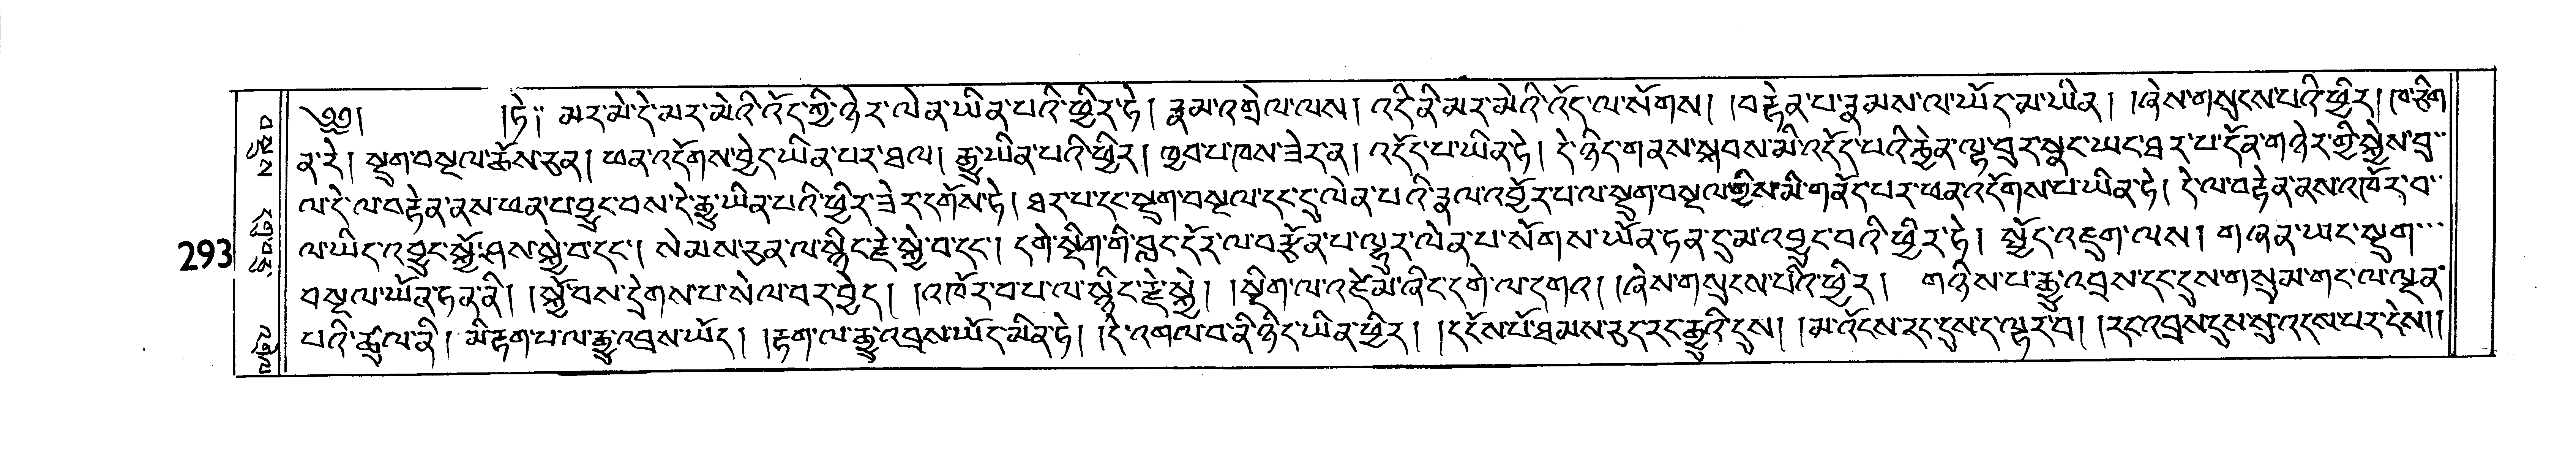༄༅། །ཏེ༑ མར་མེ་དེ་མར་མེའི་འོད་ཀྱི་ཉེར་ལེན་ཡིན་པའི་ཕྱིར་ཏེ། རྣམ་འགྲེལ་ལས། འདི་ནི་མར་མེའི་འོད་ལ་སོགས། །བརྟེན་པ་རྣམས་ལ་ཡོད་མ་ཡིན། །ཞེས་གསུངས་པའི་ཕྱིར། ཁ་ཅིག་
ན་རེ། སྡུག་བསྔལ་ཆོས་ཅན། ཕན་འདོགས་བྱེད་ཡིན་པར་ཐལ། རྒྱུ་ཡིན་པའི་ཕྱིར། ཁྱབ་པ་ཁས་ཟེར་ན། འདོད་པ་ཡིན་ཏེ། དེ་ཉིད་གནས་སྐབས་མི་འདོད་པའི་རྐྱེན་ལྟ་བུར་སྣང་ཡང་ཐར་པ་དོན་གཉེར་གྱི་སྐྱེས་བུ་
ལ་དེ་ལ་བརྟེན་ནས་ཕན་པ་བྱུང་བས་དེ་རྒྱུ་ཡིན་པའི་ཕྱིར་ཟེར་དགོས་ཏེ། ཐར་པ་དང་སྡུག་བསྔལ་དང་དུ་ལེན་པའི་རྣལ་འབྱོར་པ་ལ་སྡུག་བསྔལ་གྱིས་མི་གནོད་པར་ཕན་འདོགས་པ་ཡིན་ཏེ། དེ་ལ་བརྟེན་ནས་འཁོར་བ་
ལ་ཡིད་འབྱུང་སྐྱོ་ཤས་སྐྱེ་བ་དང་། སེམས་ཅན་ལ་སྙིང་རྗེ་སྐྱེ་བ་དང་། དགེ་སྡིག་གི་བླང་དོར་ལ་བརྩོན་པ་ལྷུར་ལེན་པ་སོགས་ཡོན་ཏན་དུ་མ་འབྱུང་བའི་ཕྱིར་ཏེ། སྤྱོད་འཇུག་ལས། གཞན་ཡང་སྡུག་
བསྔལ་ཡོན་ཏན་ནི། །སྐྱོ་བས་དྲེགས་པ་སེལ་བར་བྱེད། །འཁོར་བ་པ་ལ་སྙིང་རྗེ་སྐྱེ། །སྡིག་ལ་འཛེམ་ཞིང་དགེ་ལ་དགའ། །ཞེས་གསུངས་པའི་ཕྱིར། གཉིས་པ་རྒྱུ་འབྲས་དང་དུས་གསུམ་གང་ལ་ལྡན་
པའི་ཚུལ་ནི། མི་རྟག་པ་ལ་རྒྱུ་འབྲས་ཡོད། །རྟག་ལ་རྒྱུ་འབྲས་ཡོད་མིན་ཏེ། །དེ་འགལ་བ་ནི་ཉིད་ཡིན་ཕྱིར། །དངོས་པོ་ཐམས་ཅད་རང་རྒྱུའི་དུས། །མ་འོངས་རང་དུས་ད་ལྟར་བ། །རང་འབྲས་དུས་སུ་འདས་པར་ངེས།།